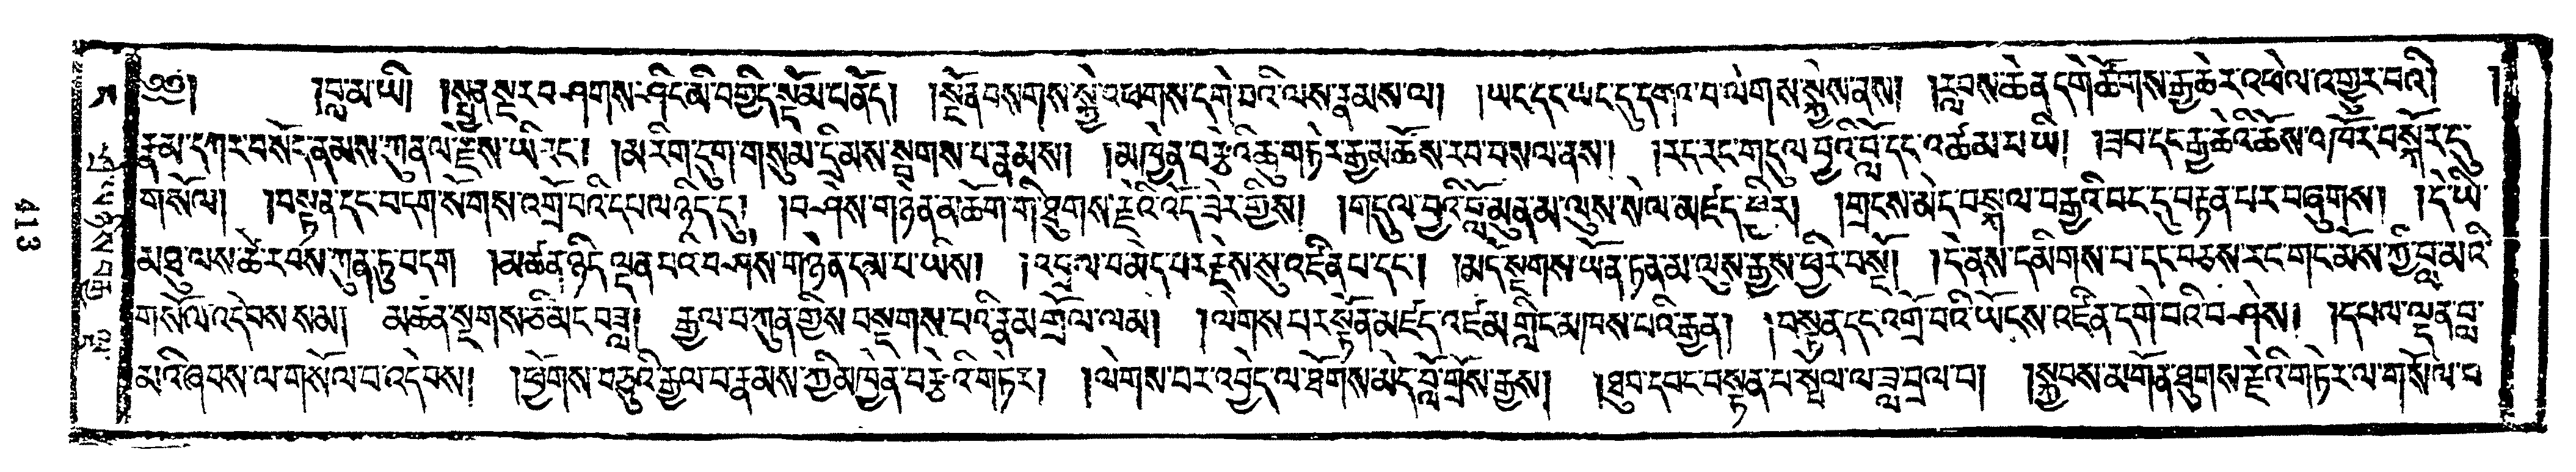༄༅། །བླ་མ་ཡི། །སྤྱན་སྔར་བཤགས་ཤིང་མི་བགྱིད་སྡོམ་པ་ནོད། །སྔོན་བསགས་སྐྱེ་འཕགས་དགེ་བའི་ལས་རྣམས་ལ། །ཡང་དང་ཡང་དུ་དགའ་བ་ལེགས་སྐྱེས་ནས། །རླབས་ཆེན་དགེ་ཚོགས་རྒྱ་ཆེར་འཕེལ་འགྱུར་བའི། །
རྣམ་དཀར་བསོད་ནམས་ཀུན་ལ་རྗེས་ཡི་རང་། །མ་རིག་དུག་གསུམ་དྲི་མས་སྦགས་པ་རྣམས། །མཁྱེན་བརྩེའི་ཆུ་གཏེར་རྒྱ་མཚོས་རབ་བསལ་ནས། །རང་རང་གདུལ་བྱའི་བློ་དང་འཚམ་པ་ཡི། །ཟབ་དང་རྒྱ་ཆེའི་ཆོས་འཁོར་བསྐོར་དུ་
གསོལ། །བསྟན་དང་བདག་སོགས་འགྲོ་བའི་དཔལ་ཉིད་དུ། །བཤེས་གཉེན་མཆོག་གི་ཐུགས་རྗེའི་འོད་ཟེར་གྱིས། །གདུལ་བྱའི་བློ་མུན་མ་ལུས་སེལ་མཛད་ཕྱིར། །གྲངས་མེད་བསྐལ་བརྒྱའི་བང་དུ་བརྟན་པར་བཞུགས། །དེ་ཡི་
མཐུ་ལས་ཚེ་རབས་ཀུན་ཏུ་བདག །མཚན་ཉིད་ལྡན་པའི་བཤེས་གཉེན་དམ་པ་ཡིས། །འབྲལ་བ་མེད་པར་རྗེས་སུ་འཛིན་པ་དང་། །མདོ་སྔགས་ཡོན་ཏན་མ་ལུས་རྒྱས་ཕྱིར་བསྔོ། །དེ་ནས་དམིགས་པ་དང་བཅས་རང་གང་མོས་ཀྱི་བླ་མའི་
གསོལ་འདེབས་སམ། མཚན་སྔགས་ཅི་མང་བཟླ། །རྒྱལ་བ་ཀུན་གྱིས་བསྔགས་པའི་རྣམ་གྲོལ་ལམ། །ལེགས་པར་སྟོན་མཛད་འཛམ་གླིང་མཁས་པའི་རྒྱན། །བསྟན་དང་འགྲོ་བའི་ཡོངས་འཛིན་དགེ་བའི་བཤེས། །དཔལ་ལྡན་བླ་
མའི་ཞབས་ལ་གསོལ་བ་འདེབས། །ཕྱོགས་བཅུའི་རྒྱལ་བ་རྣམས་ཀྱི་མཁྱེན་བརྩེའི་གཏེར། །ལེགས་བར་འབྱེད་ལ་ཐོགས་མེད་བློ་གྲོས་རྒྱས། །ཐུབ་དབང་བསྟན་པ་སྤེལ་ལ་ཟླ་བྲལ་བ། །སྐྱབས་མགོན་ཐུགས་རྗེའི་གཏེར་ལ་གསོལ་བ་